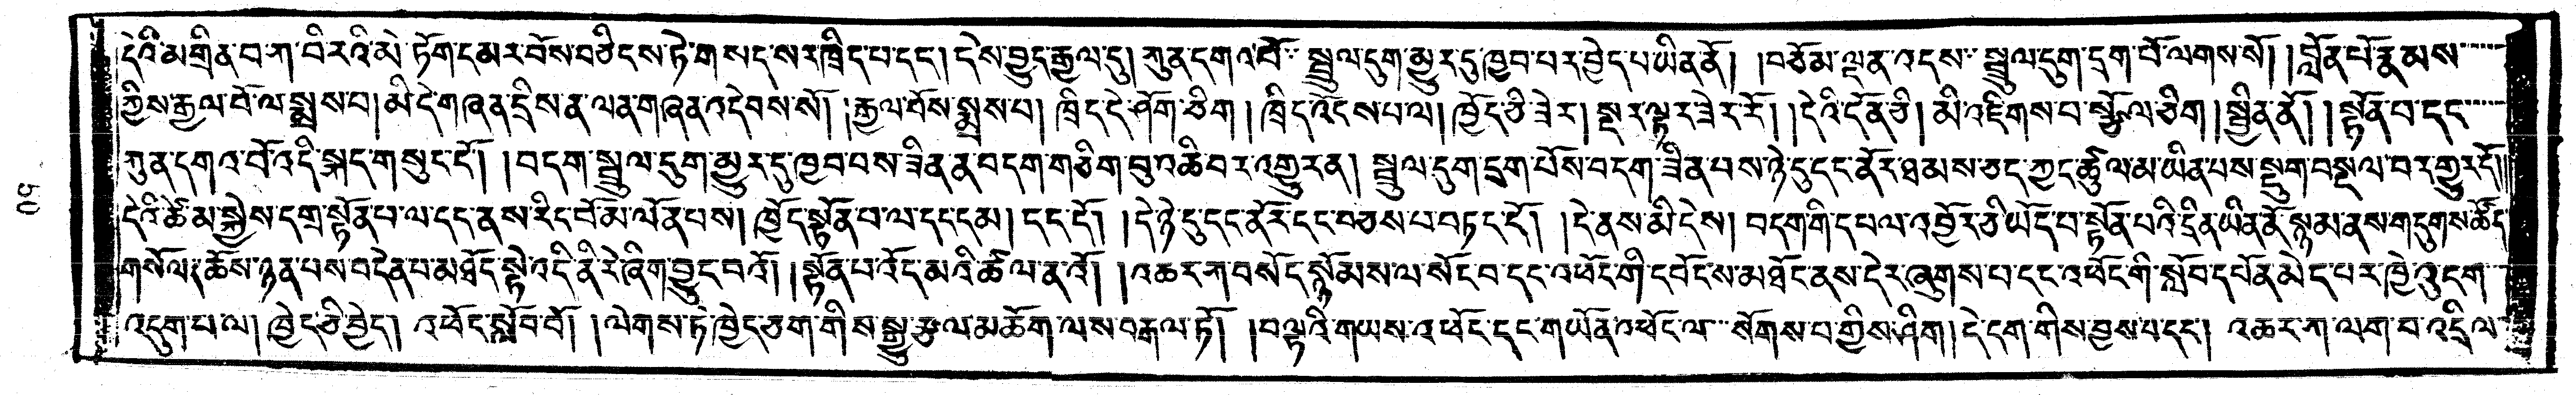དེའི་མགྲིན་བ་ཀ་བི་རའི་མེ་ཏོག་དམར་བོས་བཅིངས་ཏེ་གསད་སར་ཁྲིད་པ་དང་། དེས་བྱུད་རྒྱལ་དུ། ཀུན་དགའ་བོ་སྤྲུལ་དུག་མྱུར་དུ་ཁྱབ་པར་བྱེད་པ་ཡིན་ནོ། །བཅོམ་ལྡན་འདས་སྦྲུལ་དུག་དྲག་པོ་ལགས་སོ། །བློན་པོ་རྣམས་
ཀྱིས་རྒྱལ་པོ་ལ་སྨྲས་པ། མི་དེ་གཞན་དྲིས་ན་ལན་གཞན་འདེབས་སོ། །རྒྱལ་བོས་སྨྲས་པ། ཁྲིད་དེ་ཤོག་ཅིག །ཁྲིད་འོངས་པ་ལ། ཁྱོད་ཅི་ཟེར། སྔར་ལྟར་ཟེར་རོ། །དེའི་དོན་ཅི། མི་འཇིགས་པ་སྩོལ་ཅིག །སྦྱིན་ནོ། །སྟོན་པ་དང་
ཀུན་དགའ་བོ་འདི་སྐད་གསུང་ངོ། །བདག་སྤྲུལ་དུག་མྱུར་དུ་ཁྱབ་པས་ཟིན་ན་བདག་གཅིག་བུ་འཆི་བར་འགྱུར་ན། སྦྲུལ་དུག་དྲག་པོས་བདག་ཟིན་པས་ཉེ་དུ་དང་ནོར་ཐམས་ཅད་ཀྱང་ཚུལ་མ་ཡིན་པས་སྡུག་བསྔལ་བར་གྱུར་དོ།།
དེའི་ཚེ་མ་སྐྱེས་དགྲ་སྟོན་པ་ལ་དད་ནས་རིང་བོ་མ་ལོན་པས། ཁྱོད་སྟོན་པ་ལ་དད་དམ། དད་དོ། །དེ་ཉེ་དུ་དང་ནོར་དང་བཅས་པ་བཏང་ངོ། །དེ་ནས་མི་དེས། བདག་གི་དཔལ་འབྱོར་ཅི་ཡོད་པ་སྟོན་པའི་དྲིན་ཡིན་ནོ་སྙམ་ནས་གདུགས་ཚོད་
གསོལ༑ ཆོས་ཉན་པས་བདེན་པ་མཐོང་སྟེ་འདི་ནི་རེ་ཞིག་བྱུང་བའོ། །སྟོན་པ་འོད་མའི་ཚལ་ནའོ། །འཆར་ཀ་བསོད་སྙོམས་ལ་སོང་བ་དང་འཕོང་གི་དབོང་ས་མཐོང་ནས་དེར་ཞུགས་པ་དང་འཕོང་གི་སློབ་དཔོན་མེད་པར་ཁྱེའུ་དག་
འདུག་པ་ལ། ཁྱེད་ཅི་བྱེད། འཕོང་སློབ་བོ། །ལེགས་ཏེ་ཁྱེད་ཅག་གིས་སྒྱུ་རྩལ་མཆོག་ལས་བརྒལ་ཏོ། །བལྟའི་གཡས་འཕོང་དང་གཡོན་འཕོང་ལ་སོགས་པ་གྱིས་ཤིག། དེ་དག་གིས་བྱས་པ་དང་། འཆར་ཀ་ལག་པ་འདྲིལ་